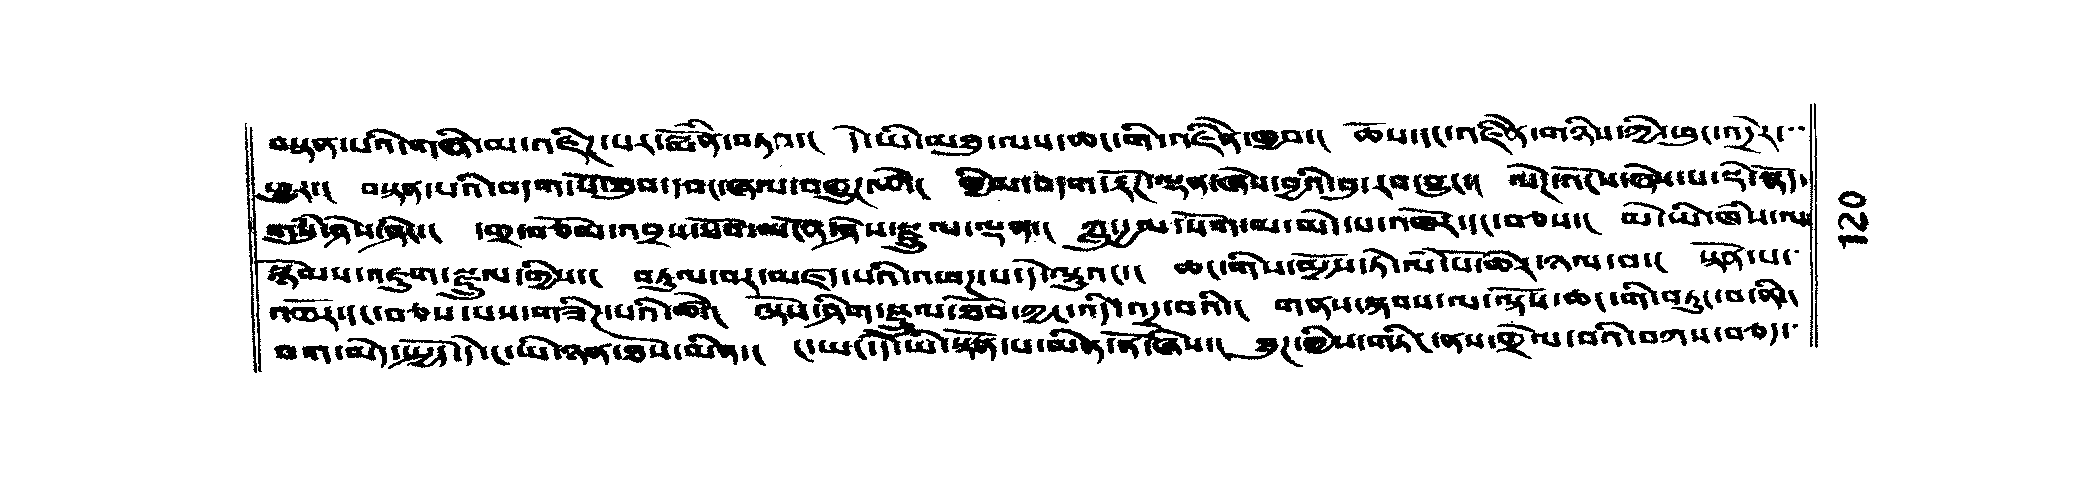།བསྟན་པའི་གཞི་མ་འཇིགས་པ་སྨོན་ལམ་བཏབ། །དེ་ཡི་མཐུ་ལས་ཆང་གི་འཇིག་རྟེན་ཁྱབ། །ཆོས་དང་འཇིག་རྟེན་གཉིས་ཀྱི་ཕུང་འདྲེར་
གྱུར། །བསྟན་པའི་བདག་པོ་ཐུབ་དབང་ཞལ་བཞུགས་ཚེ། །ཁྱིམ་བདག་རྟོགས་ལྡན་ཞེས་བྱའི་བུ་རབ་བྱུང་། །ལེགས་འོངས་ཞེས་པ་སྡེ་སྣོད་
གསུམ་ཤེས་ཤིང་། །དགྲ་བཅོམ་འབྲས་ཐོབ་མངོན་ཤེས་རྫུ་འཕྲུལ་ལྡན། །ཀླུ་རྒྱལ་སོག་མ་མེད་པ་འཁོར་དང་བཅས། །མེ་ཡི་ཁམས་ལ་
སྙོམས་འཇུག་རྫུ་འཕྲུལ་གྱིས། །བཏུལ་བར་མཛད་པའི་འཕགས་པ་དེ་ལྟ་བུའང་། །ཆང་གི་མྱོས་ཏེ་ལམ་པོ་ཆེར་ཉལ་བ། །སྟོན་པ་
འཁོར་དང་བཅས་པས་གཟིགས་པའི་ཚེ། །ལྟོས་ཤིག་རྫུ་འཕྲུལ་ཐོབ་ཀྱང་འདི་འདྲ་བའི། །གནས་སྐབས་ལ་ལྟོས་ཆང་གི་བཏུང་བ་ནི། །
བག་མེད་སྤྱོད་དེ་ང་ཡི་ཉན་ཐོས་མིན། །ང་ཡང་དེ་ཡི་སྟོན་པ་མིན་ནོ་ཞེས། །ཐུགས་ཀྱི་གཏིང་ནས་ཁྲེལ་བའི་བཀས་བཅད་